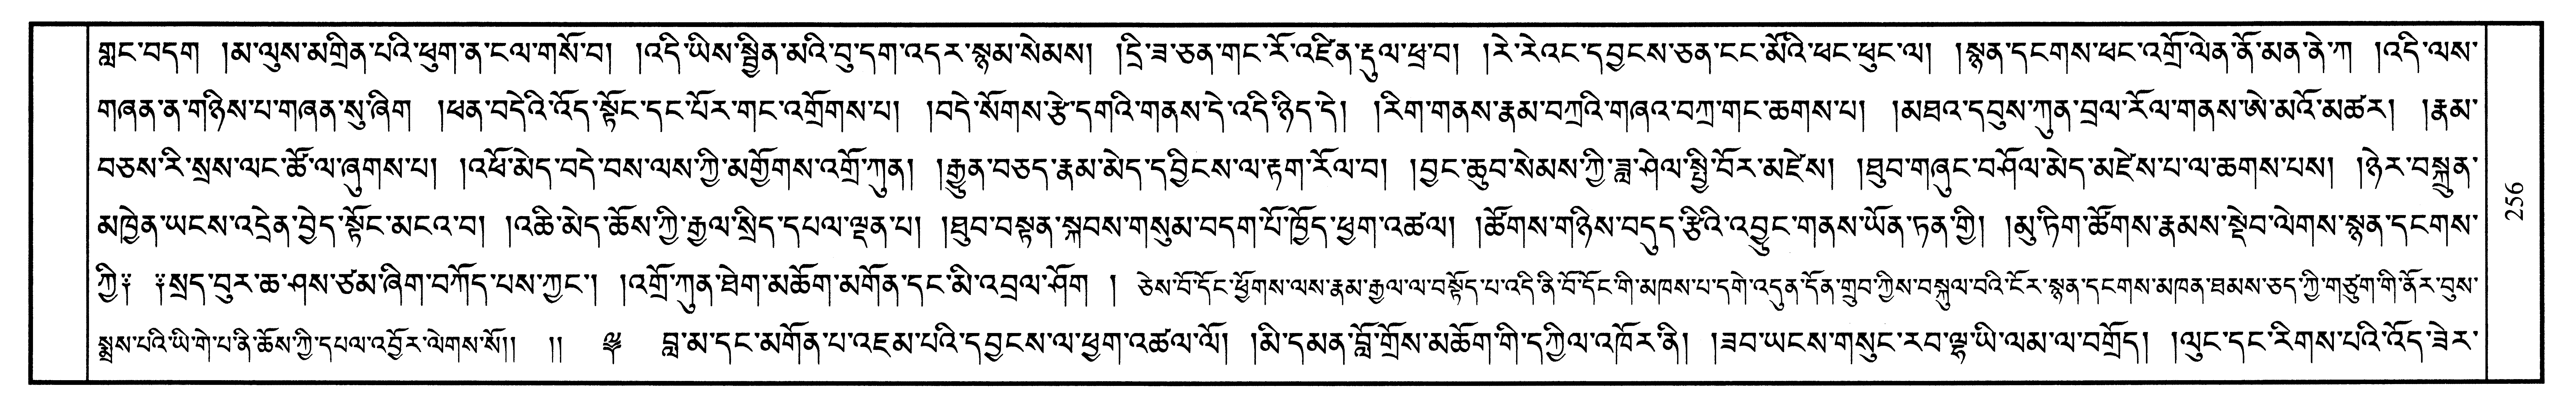གླང་བདག །མ་ལུས་མགྲིན་པའི་ཕུག་ན་ངལ་གསོ་བ། །འདི་ཡིས་སྦྱིན་མའི་བུ་དག་འདར་སྙམ་སེམས། །དྲི་ཟ་ཅན་གང་རོ་འཛིན་རྡུལ་ཕྲ་བ། །རེ་རེའང་དབྱངས་ཅན་ངང་མོའི་ཕང་ཕུང་ལ། །སྙན་དངགས་ཕང་འགྲོ་ལེན་ནོ་མན་ནེ་ཀ། འདི་ལས་
གཞན་ན་གཉིས་པ་གཞན་སུ་ཞིག །ཕན་བདེའི་འོད་སྟོང་དང་པོར་གང་འགྲོགས་པ། །བདེ་སོགས་རྩེ་དགའི་གནས་དེ་འདི་ཉིད་དེ། །རིག་གནས་རྣམ་བཀྲའི་གཞའ་བཀྲ་གང་ཆགས་པ། །མཐའ་དབུས་ཀུན་བྲལ་རོལ་གནས་ཨེ་མའོ་མཚར། །རྣམ་
བཅས་རི་སྲས་ལང་ཚོ་ལ་ཞུགས་པ། །འཕོ་མེད་བདེ་བས་ལས་ཀྱི་མགྱོགས་འགྲོ་ཀུན། །རྒྱུན་བཅད་རྣམ་མེད་དབྱིངས་ལ་རྟག་རོལ་བ། །བྱང་ཆུབ་སེམས་ཀྱི་ཟླ་ཤེལ་སྤྱི་བོར་མཛེས། །ཐུབ་གཞུང་བཤོལ་མེད་མཛེས་པ་ལ་ཆགས་པས། །ཉེར་བསྐྲུན་
མཁྱེན་ཡངས་འདྲེན་བྱེད་སྟོང་མངའ་བ། །འཆི་མེད་ཆོས་ཀྱི་རྒྱལ་སྲིད་དཔལ་ལྡན་པ། །ཐུབ་བསྟན་སྐབས་གསུམ་བདག་པོ་ཁྱོད་ཕྱག་འཚལ། །ཚོགས་གཉིས་བདུད་རྩིའི་འབྱུང་གནས་ཡོན་ཏན་གྱི། །མུ་ཏིག་ཚོགས་རྣམས་སྡེབ་ལེགས་སྙན་དངགས་
ཀྱི༑ ༑སྲད་བུར་ཆ་ཤས་ཙམ་ཞིག་བཀོད་པས་ཀྱང་། །འགྲོ་ཀུན་ཐེག་མཆོག་མགོན་དང་མི་འབྲལ་ཤོག །ཅེས་བོ་དོང་ཕྱོགས་ལས་རྣམ་རྒྱལ་ལ་བསྟོད་པ་འདི་ནི་བོ་དོང་གི་མཁས་པ་དགེ་འདུན་དོན་གྲུབ་ཀྱིས་བསྐུལ་བའི་ངོར་སྙན་དངགས་མཁན་ཐམས་ཅད་ཀྱི་གཙུག་གི་ནོར་བུས་
སྨྲས་པའི་ཡི་གེ་པ་ནི་ཆོས་ཀྱི་དཔལ་འབྱོར་ལེགས་སོ།། །། ༈ བླ་མ་དང་མགོན་པ་འཇམ་པའི་དབྱངས་ལ་ཕྱག་འཚལ་ལོ། །མི་དམན་བློ་གྲོས་མཆོག་གི་དཀྱིལ་འཁོར་ནི། །ཟབ་ཡངས་གསུང་རབ་ལྷ་ཡི་ལམ་ལ་བགྲོད། །ལུང་དང་རིགས་པའི་འོད་ཟེར་